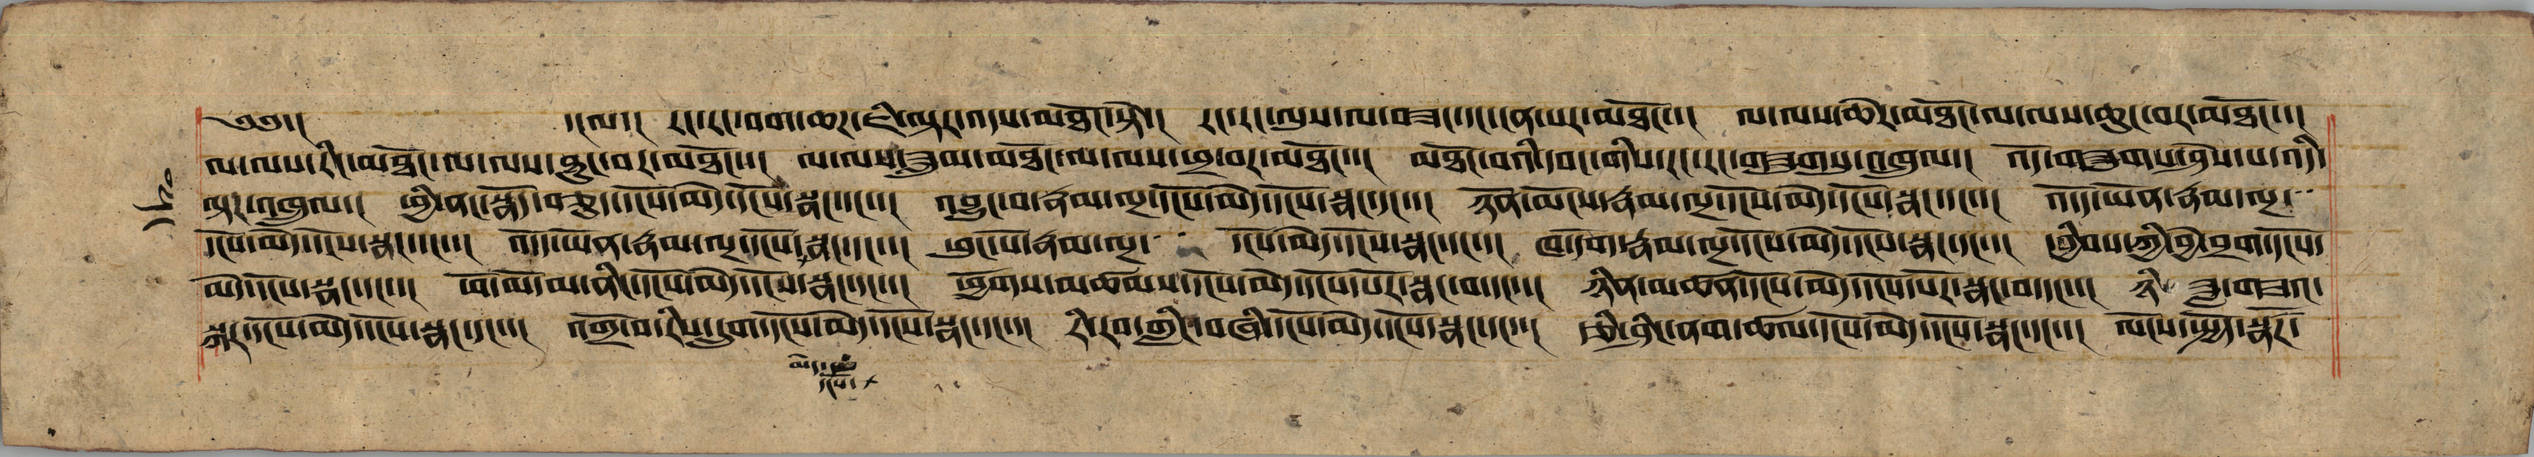༄༅་། ་།ལ་། རང་རང་བག་ཆཌ་ཇི་ལྟར་འདས་མཐོང་སྟེ་། རང་རང་ལུས་ལ་བཟང་དང་ངན་པར་མཐོང་་། ལ་ལས་ཆེར་མཐོང་ལ་ལས་ཆུང་བར་མཐོང་་།
ལ་ལས་རིང་མཐོང་ལ་ལས་ཐུང་བར་མཐོང་་། ལ་ལས་གཟུགས་མཐོང་ལ་ལས་ཕྲ་བར་མཐོང་་། མཐོང་བའི་དབང་གིས་རང་རང་གཟུགསུ་འཁྲུལ་། འོད་གཟུགས་ཤེས་པ་འདི་
ལྟར་འཁྲུལ་། ཕྱི་ནང་སྣོད་བཅུད་དངོས་མེད་དངོས་སྣང་དང་་། འབྱུང་བ་རྣམ་ལྔ་དངོས་མེད་དངོས་སྣང་དང་་། ཉོན་མོངས་རྣམ་ལྔ་དངོས་མེད་དངོས་སྣང་དང་་། འདོད་ཡོན་རྣམ་ལྔ་
དངོས་མེད་དངོས་སྣང་དང་་། འདོད་ཡོན་རྣམ་ལྔ་དངོས་སྣང་དང་་། ཕུང་པོ་རྣམ་ལྔ་ དངོས་མེད་དངོས་སྣང་དང་་། ཁ་དོག་རྣམ་ལྔ་དངོས་མེད་དངོས་སྣང་དང་་། དབྱིབས་ཀྱི་བྱེ་བྲག་དངོས་
མེད་དངོས་སྣང་དང་་། ཕོ་མོ་མ་ནིང་དངོས་མེད་དངོས་དངོས་སྣང་དང་་། ཕྱོགས་མཚམས་དངོས་མེད་དངོས་པོར་སྣང་བ་དང་་། ཉིན་མཚན་དངོས་མེད་དངོས་པོར་སྣང་བ་དང་་། ཉི་ ཟླ་གཟའ་
སྐར་དངོས་མེད་དངོས་སྣང་དང་་། འགྲོ་བ་རིས་དྲུག་དངོས་མེད་དངོས་སྣང་དང་་། རི་རབ་གླིང་བཞི་དངོས་མེད་དངོས་སྣང་དང་་། རྩི་ཤིང་ནག་ཚལ་དངོས་མེད་དངོས་སྣང་དང་་། ལོངས་སྤྱོད་སྣཚོཌ་